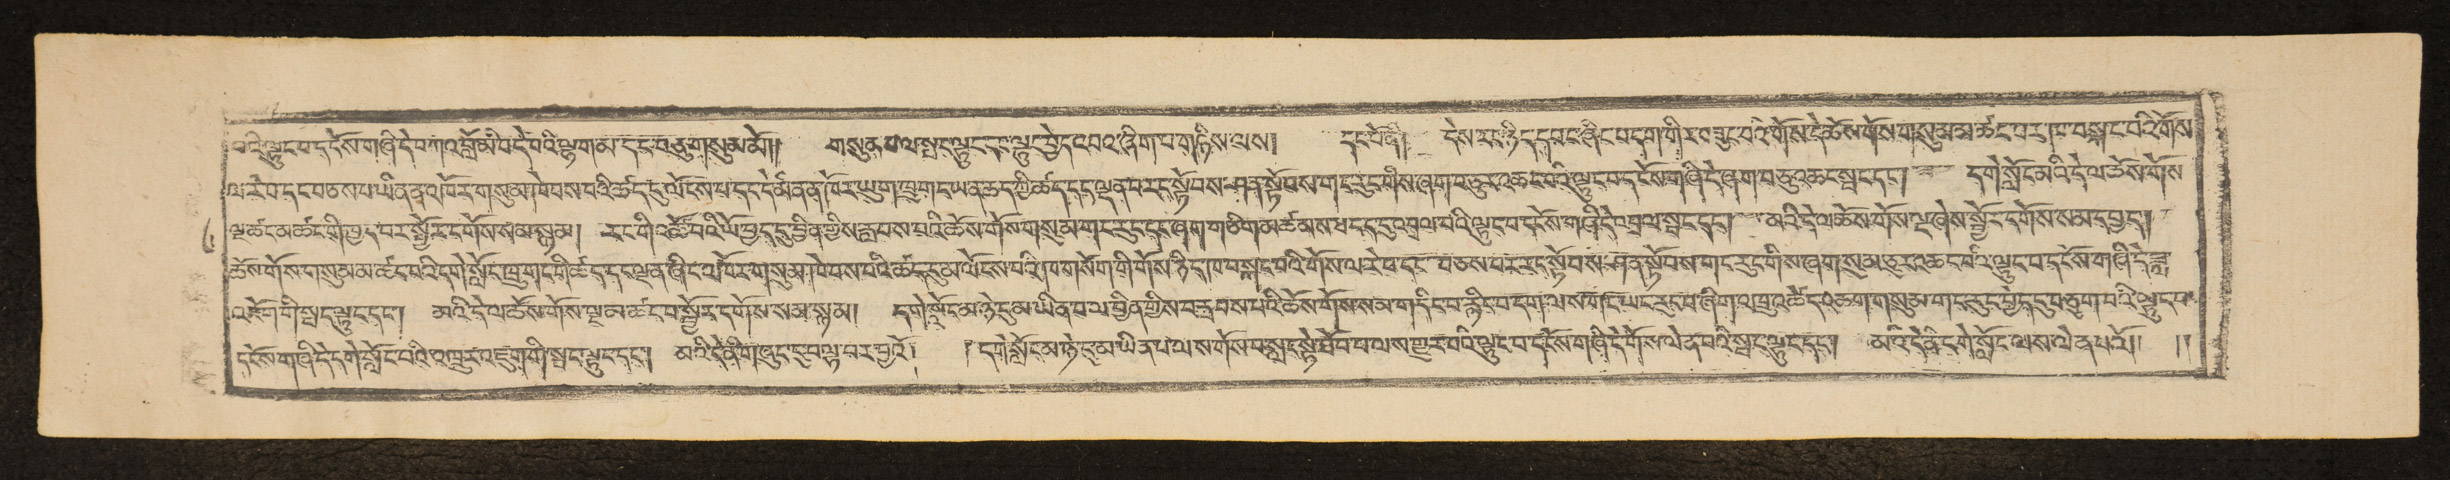བའི་ལྟུང་བ་དངོས་གཞི་དེ་བཀའ་བློ་མི་བདེ་བའི་ལྷག་མ་དང་བཅུ་གསུམ་མོ།། གསུམ་པ་ལ་སྤང་ལྟུང་དང་ལྟུང་བྱེད་འབའ་ཞིག་པ་གཉིས་ལས། དང་པོ་ནི། དེས་རང་ཉིད་དབང་ཞིང་བདག་གིར་བཟུང་བའི་གོས་དེ་ཆོས་གོས་གསུམ་མཚང་བར་ཁ་བསྐང་བའི་གོས་
ལ་རེ་བ་དང་བཅས་པ་ཡིན་ན་འཁོར་གསུམ་ཁེབས་བའི་ཚད་དུ་ལོངས་པ་དང་དེ་མིན་ན་ཁོར་ཡུག་ཁྲུ་གང་ཡན་ཆད་ཀྱི་ཚད་དང་ལྡན་བ་རང་སྟོབས་ཤན་སྟོབས་གང་རུང་གིས་ཞག་བཅུར་འཆང་བའི་ལྟུང་བ་དངོས་གཞི་དེ་ཞག་བཅུ་འཆང་སྦང་དང་། དགེ་སློང་མའི་དེ་ལ་ཆོས་གོས་
ལྔ་ཚང་མ་ཚང་གི་ཁྱད་པར་སྦྱོར་དགོས་སམ་སྙམ། རང་གི་འཚོ་བའི་ཡོ་བྱང་དུ་བྱིན་གྱིས་རླབས་བའི་ཆོས་གོས་གསུམ་གང་རུང་དང་ཞག་གཅིག་མཚམས་ཐང་ད་དུ་འབྲལ་བའི་ལྟུང་བ་དངོས་གཞི་དེ་འབྲལ་སྤང་དང་། མའི་དེ་ལ་ཆོས་གོས་ལྔ་ཞེས་སྦྱོར་དགོས་སམ་དཔྱད།
ཆོས་གོས་གསུམ་མ་ཚང་བའི་དགེ་སློང་ཁྲུ་གང་གི་ཚད་དང་ལྡན་ཞིང་འཁོར་གསུམ་ཁེབས་པའི་ཚད་དུ་མ་ལོངས་པའི་ཁ་གསོག་གི་གོས་ཉིད་ཁ་བསྐང་བའི་གསོལ་རེ་བ་དང་བཅས་བར་རང་སྟོབས་ཤན་སྟོབས་གང་རུང་གིས་ཞག་སུམ་ཅུར་འཆང་བའི་ལྟུང་བ་དངོས་གཞི་དེ་ཟླ་
འཇོག་གི་སྦང་ལྟུང་དང་། མའི་དེ་ལ་ཆོས་གོས་ལྔ་མ་ཚང་བ་སྦྱོར་དགོས་སམ་སྙམ། དགེ་སློང་མ་ཉེ་དུ་མ་ཡིན་པ་ལ་བྱིན་གྱིས་བརླབས་པའི་ཆོས་གོས་སམ་གདིང་བ་རྙིང་བ་དག་ལས་གང་ཡང་རུང་བ་ཞིག་འཁྲུ་འཚེད་འཆག་གསུམ་གང་རུང་བྱེད་དུ་བཅུག་པའི་ལྟུང་བ་
དངོས་གཞི་དེ་དགེ་སློང་བའི་འཁྲུར་འཇུག་གི་སྦང་ལྟུང་དང་། མའི་དེ་ནི་གཞུང་དུ་བལྟ་བར་བྱའོ། །དགེ་སློང་མ་ཉེ་དུ་མ་ཡིན་པ་ལ་སོགས་བསླང་སྟེ་ཐོབ་པ་ལས་གྱུར་བའི་ལྟུང་བ་དངོས་གཞི་དེ་གོས་ལེན་བའི་སྦང་ལྟུང་དང་། མའི་དེ་ནི་དགེ་སློང་ལས་ལེན་པའོ། །